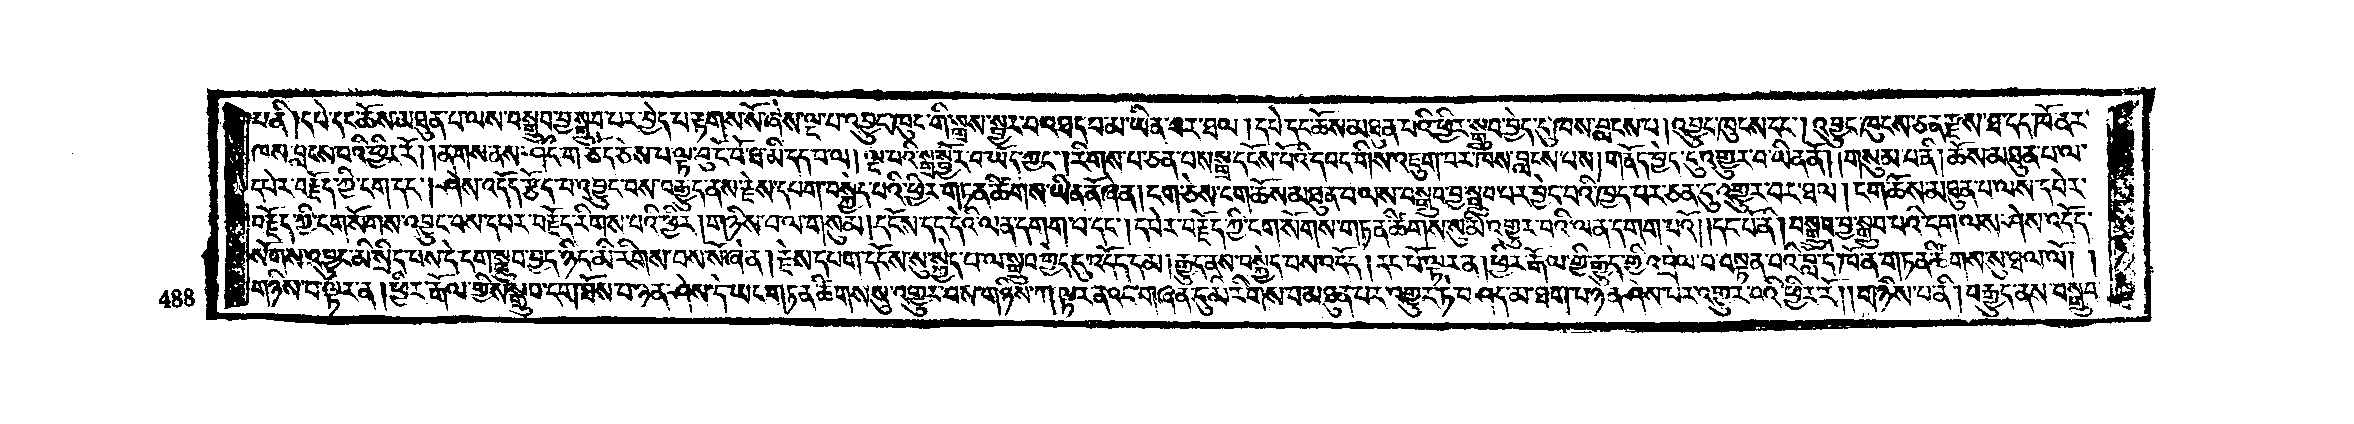པ་ནི། དཔེ་དང་ཆོས་མཐུན་པ་ལས་བསྒྲུབ་བྱ་སྒྲུབ་པར་བྱེད་པ་རྟགས་སོ་ཞེས་ལྔ་པ་འབྱུང་ཁུང་གི་སྒྲས་སྦྱར་བ་འཐད་པ་མ་ཡིན་པར་ཐལ། དཔེ་དང་ཆོས་མཐུན་པའི་ཕྱིར་སྒྲུབ་བྱེད་དུ་ཁས་བླངས་པ། འབྱུང་ཁུངས་དང་། འབྱུང་ཁུངས་ཅན་རྫས་ཐ་དད་ཁོ་ནར་
ཁས་བླངས་པའི་ཕྱིར་རོ། །ནགས་ནས་ཤིང་གཅོད་ཅེས་པ་ལྟ་བུ་ངོ་བོ་ཐ་མི་དད་པ་ལ། ལྔ་པའི་སྒྲ་སྦྱོར་བ་ཡོད་ཀྱང་རིགས་པ་ཅན་པས་སྒྲ་དངོས་པོའི་དབང་གིས་འཇུག་པར་ཁས་བླངས་པས། གནོད་བྱེད་དུ་འགྱུར་བ་ཡིན་ནོ། །གསུམ་པ་ནི། ཆོས་མཐུན་པ་ལ་
དཔེར་བརྗོད་ཀྱི་ངག་དང་། ཤེས་འདོད་རྩོད་པ་འབྱུང་བ་བརྒྱུད་ནས་རྗེས་དཔག་བསྐྱེད་པའི་ཕྱིར་གཏན་ཚིགས་ཡིན་ནོ་ཞེ་ན། ངག་ཅེས་ངག་ཆོས་མཐུན་པ་ལས་བསྒྲུབ་བྱ་སྒྲུབ་པར་བྱེད་པའི་ཁྱད་པར་ཅན་དུ་འགྱུར་བར་ཐལ། ངག་ཆོས་མཐུན་པ་ལས་དཔེར་
བརྗོད་ཀྱི་ངག་སོགས་འབྱུང་བས་དཔེར་བརྗོད་རིགས་པའི་ཕྱིར། གཉིས་པ་ལ་གསུམ། དངོས་དང་དེའི་ལན་དགག་པ་དང་། དཔེར་བརྗོད་ཀྱི་ངག་སོགས་གཏན་ཚིགས་སུ་མི་འགྱུར་བའི་ལན་དགག་པའོ། །དང་པོ་ནི། བསྒྲུབ་བྱ་སྒྲུབ་པའི་ངག་ལས་ཤེས་འདོད་
སོགས་འབྱུང་མི་སྲིད་པས་དེ་དག་སྒྲུབ་བྱད་ཉིད་མི་རིགས་པས་སོ་ཞེ་ན། རྗེས་དཔག་དངོས་སུ་སྐྱེད་པ་ལ་སྒྲུབ་བྱད་དུ་འདོད་དམ། རྒྱུད་ནས་བསྐྱེད་པས་འདོད། དང་པོ་ལྟར་ན། ཕྱིར་རྒོལ་གྱི་རྒྱུད་ཀྱི་འབྲེལ་པ་བསྟན་པའི་བློ་དེ་ཁོ་ན་གཏན་ཚིགས་སུ་ཐལ་ལོ། །
གཉིས་པ་ལྟར་ན། ཕྱིར་རྒོལ་གྱིས་སྒྲུབ་ངག་ཐོས་པ་ཉན་ཤེས་དེ་ཡང་གཏན་ཚིགས་སུ་འགྱུར་བས་གཉིས་ཀ་ལྟར་ནའང་གཞན་དུ་མི་རིགས་པ་མཐུན་པར་འགྱུར་ཏེ་བཤད་མ་ཐག་པ་ཉན་ཤེས་པར་འགྱུར་བའི་ཕྱིར་རོ། །གཉིས་པ་ནི། བརྒྱུད་ནས་བསྒྲུབ་